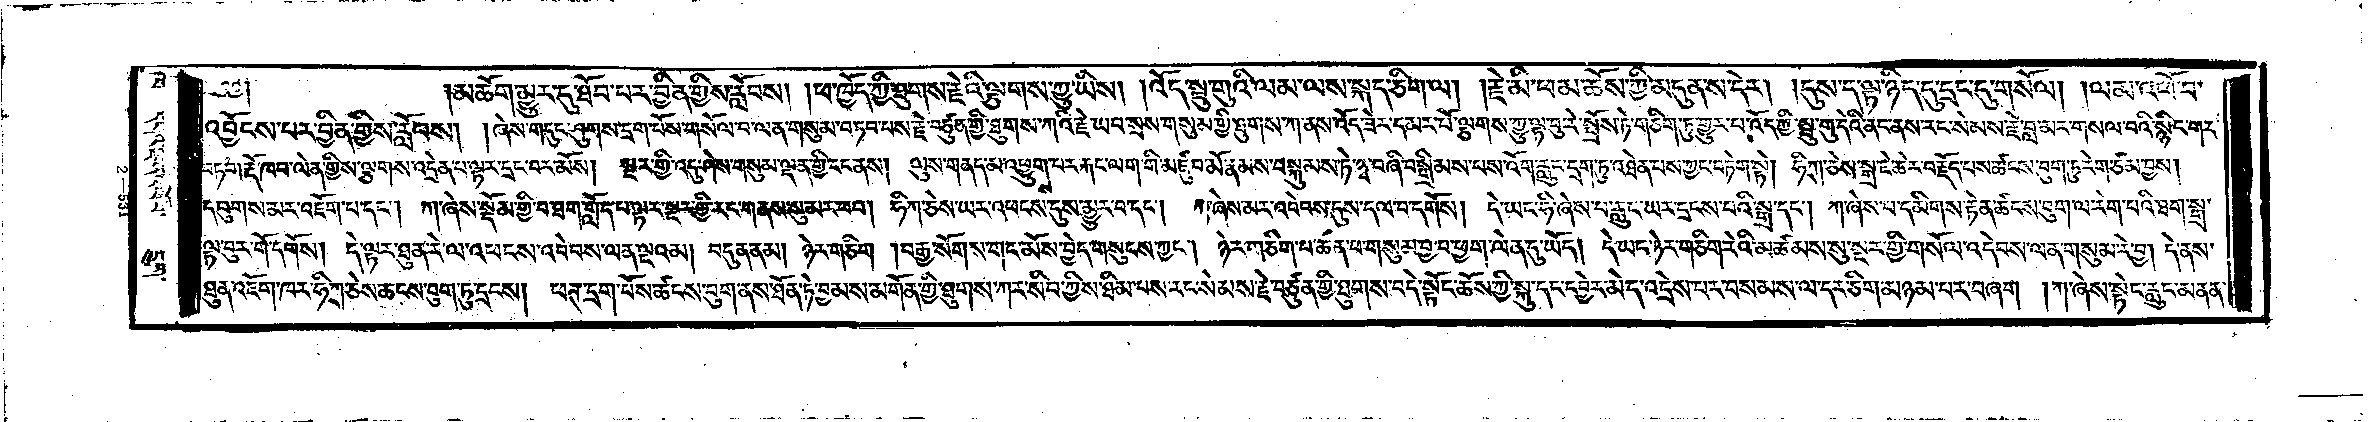༄༅། །མཆོག་མྱུར་དུ་ཐོབ་པར་བྱིན་གྱིས་རློབས། །ཕ་ཁྱོད་ཀྱི་ཐུགས་རྗེའི་ལྕགས་ཀྱུ་ཡིས། །འོད་སྦུ་གུའི་ལམ་ལས་སྐད་ཅིག་ལ། །རྗེ་མི་ཕམ་ཆོས་ཀྱི་མདུན་ས་དེར། །དུས་ད་ལྟ་ཉིད་དུ་དྲང་དུ་གསོལ། །ལམ་འཕོ་བ་
འབྱོངས་པར་བྱིན་གྱིས་རློབས། །ཞེས་གདུང་ཤུགས་དྲག་པོས་གསོལ་བ་ལན་གསུམ་བཏབ་པས་རྗེ་བཙུན་གྱི་ཐུགས་ཀའི་རྗེ་ཡབ་སྲས་གསུམ་གྱི་ཐུགས་ཀ་ནས་འོད་ཟེར་དམར་པོ་ལྕགས་ཀྱུ་ལྟ་བུ་རེ་སྤྲོས་ཏེ་གཅིག་ཏུ་གྱུར་པ་འོད་ཀྱི་སྦུ་གུ་དེའི་ནང་ནས་རང་སེམས་རྗེ་བླ་མར་གསལ་བའི་སྙིང་གར་
བཏབ་།རྡོ་ཁབ་ལེན་གྱིས་ལྕགས་འདྲེན་པ་ལྟར་དྲང་བར་མོས། སྔར་གྱི་འདུ་ཤེས་གསུམ་ལྡན་གྱི་ངང་ནས། ལུས་གནད་མ་འཕྱུགས་པར་རྐང་ལག་གི་མཛུབ་མོ་རྣམས་བསྐུམས་ཏེ་ཉྭ་བཞི་བསྒྲིམས་པས་འོག་རླུང་དྲག་ཏུ་འཐེན་པས་ཀྱང་བཏེག་སྟེ། ཧིཀ་ཅེས་སྒྲ་ཇེ་ཆེར་བརྗོད་པས་ཚངས་བུག་ཏུ་རེག་ཙམ་བྱས།
དབུགས་མར་འཇོག་པ་དང་། ཀ་ཞེས་སྡོམ་གྱི་བ་ཐག་གློད་པ་ལྟར་སྔར་གྱི་རང་གནས་སུ་མར་ཕབ། ཧི་ཀ་ཅེས་ཡར་འཕངས་དུས་མྱུར་བ་དང་། ཀ་ཞེས་མར་འབེབས་དུས་དལ་བ་དགོས། དེ་ཡང་ཧི་ཞེས་པ་རླུང་ཡར་དྲངས་པའི་སྒྲ་དང་། ཀ་ཞེས་པ་དམིགས་རྟེན་ཚངས་བུ་གེ་ལ་རེག་པའི་ཐག་སྒྲ་
ལྟ་བུར་གོ་དགོས། དེ་ལྟར་ཐུན་རེ་ལ་འཕངས་འབེབས་ལན་ལྔའམ། བདུན་ནམ། ཉེར་གཅིག །བརྒྱ་སོགས་གང་མོས་བྱེད་གསུངས་ཀྱང་། ཉེར་གཅིག་པ་ཚན་ཕ་གསུམ་བྱ་བ་ཕྱག་ལེན་དུ་ཡོད། དེ་ཡང་ཉེར་གཅིག་རེའི་མཚམས་སུ་སྔར་གྱི་གསོལ་འདེབས་ལན་གསུམ་རེ་བྱ། དེ་ནས་
ཐུན་འཇོག་ཁར་ཧིཀ་ཅེས་ཆངས་བུག་ཏུ་དྲངས། ཕཊ་དྲག་པོས་ཚངས་བུག་ནས་ཐོན་ཏེ་བྱམས་མགོན་གྱི་ཐུགས་ཀར་སིབ་ཀྱིས་ཐིམ་པས་རང་སེམས་རྗེ་བཙུན་གྱི་ཐུགས་བདེ་སྟོང་ཆོས་ཀྱི་སྐུ་དང་དབྱེར་མེད་འདྲེས་པར་བསམས་ལ་དར་ཅིག་མཉམ་པར་བཞག །ཀ་ཞེས་སྟེང་རླུང་མནན་